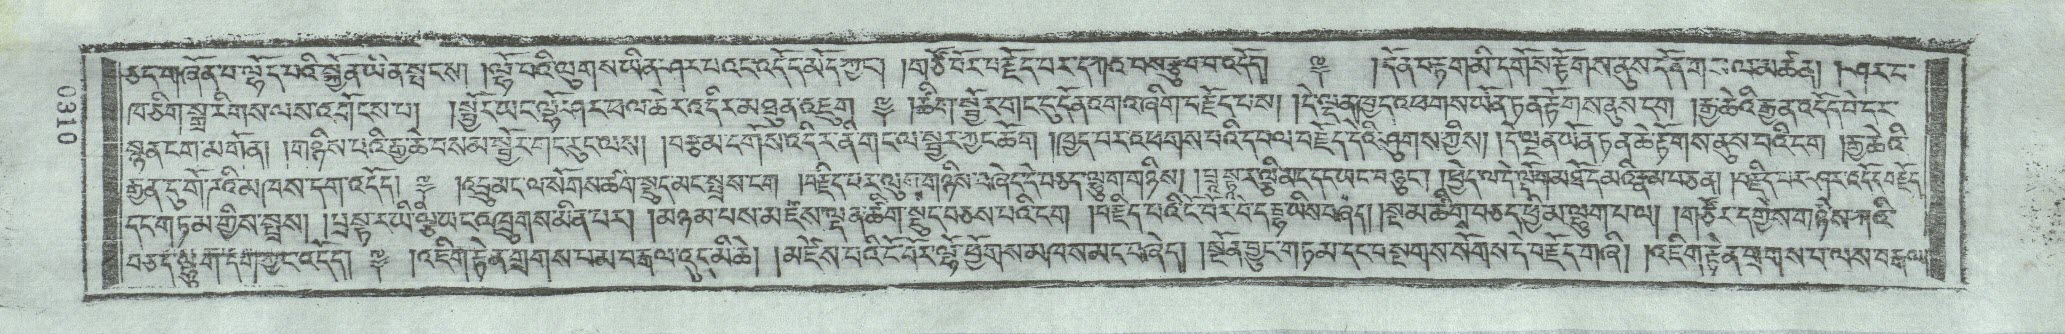ཅད་གཞོན་པ་ལྷོད་པའི་སྐྱོན་ཡིན་སྤངས། །ལྷོ་བའི་ལུགས་ཡིན་ཤར་པའང་འདོད་མོད་ཀྱང་། །གཙོ་བོར་བརྗོད་པར་དཀའ་བས་རྩུབ་པ་འདོད། ༈ །དོན་བརྟག་མི་དགོས་རྟོགས་ནུས་དོན་གསལ་མཚན། །ཤར་པ་
ཁ་ཅིག་སྒྲ་རིགས་ལས་འགོངས་པ། །སྤྱོར་ཡང་ལྷོ་ཤར་ཕལ་ཆེར་འདིར་མཐུན་འཇུག ༈ །ཚིག་སྦྱོར་གང་དུ་དོན་འགའ་ཞིག་བརྗོད་པས། །དེ་ལྡན་ཁྱད་འཕགས་ཡོན་ཏན་རྟོགས་ནུས་དག །རྒྱ་ཆེའི་རྒྱན་འདོད་བེ་དར་
སྙན་ངག་མགོན། །གཉིས་པའི་རྒྱ་ཆེ་བསམ་སྦྱོར་གང་རུང་ལས། །བརྩམ་དགོས་འདིར་ནི་གང་ལ་སྦྱར་ཀྱང་ཆོག །ཁྱད་པར་འཕགས་པའི་དཔལ་བརྗོད་དེའི་ཤུགས་ཀྱིས། །དེ་ལྡན་ཡོན་ཏན་ཆེ་རྟོགས་ནུས་པའི་ངག །རྒྱ་ཆེའི་
རྒྱན་དུ་གོ་ཌའི་མཁས་དག་འདོད། ༈ །འབྲུ་མང་ལ་སོགས་ཚིག་སྡུད་མང་སྤྲས་ངག །བརྗིད་པར་ལུས་གཉིས་བཞེད་དེ་བཅད་ལྕུག་གཉིས། །ཟཱ་སྟཱ་ར་ལྕི་མང་དང་ཡང་བ་ཉུང་། །ཕྱེད་ལ་དེ་ལྡོག་མཐོ་དམའི་རྣམ་པ་ཅན། །བརྗིད་པར་ཤར་ཡོད?་བརྗོད་
དང་གཏམ་གྱིས་སྤྲས། །པྲ་སྟ་ར་ཡི་ལྕི་ཡང་འཁྲུགས་མིན་པར། །མཉམ་པས་མཛེས་ལྡན་ཚིག་སྡུད་བཅས་པའི་དག །བརྗིད་པའི་ངོ་བོར་པེ་དཎྷ་ཡིས་བཞེད། །སྔ་མ་ཚིགས་བཅད་ཕྱི་མ་ལྷུག་པ་ལ། །གཙོར་དགྱེས་གཉིས་ཀའི་
བཅད་ལྷུག་དག་ཀྱང་འདོད། ༈ །འཇིག་རྟེན་གྲགས་པ་མ་བརྒལ་འུད་མི་ཆེ། །མཛེས་པའི་ངོ་བོར་ལྷོ་ཕྱོགས་མཁས་མང་བཞེད། །སྔོན་བྱུང་གཏམ་དང་བསྔགས་སོགས་དེ་བརྗོད་གཞི། །འཇིག་རྟེན་གྲགས་པ་ལས་བརྒ་